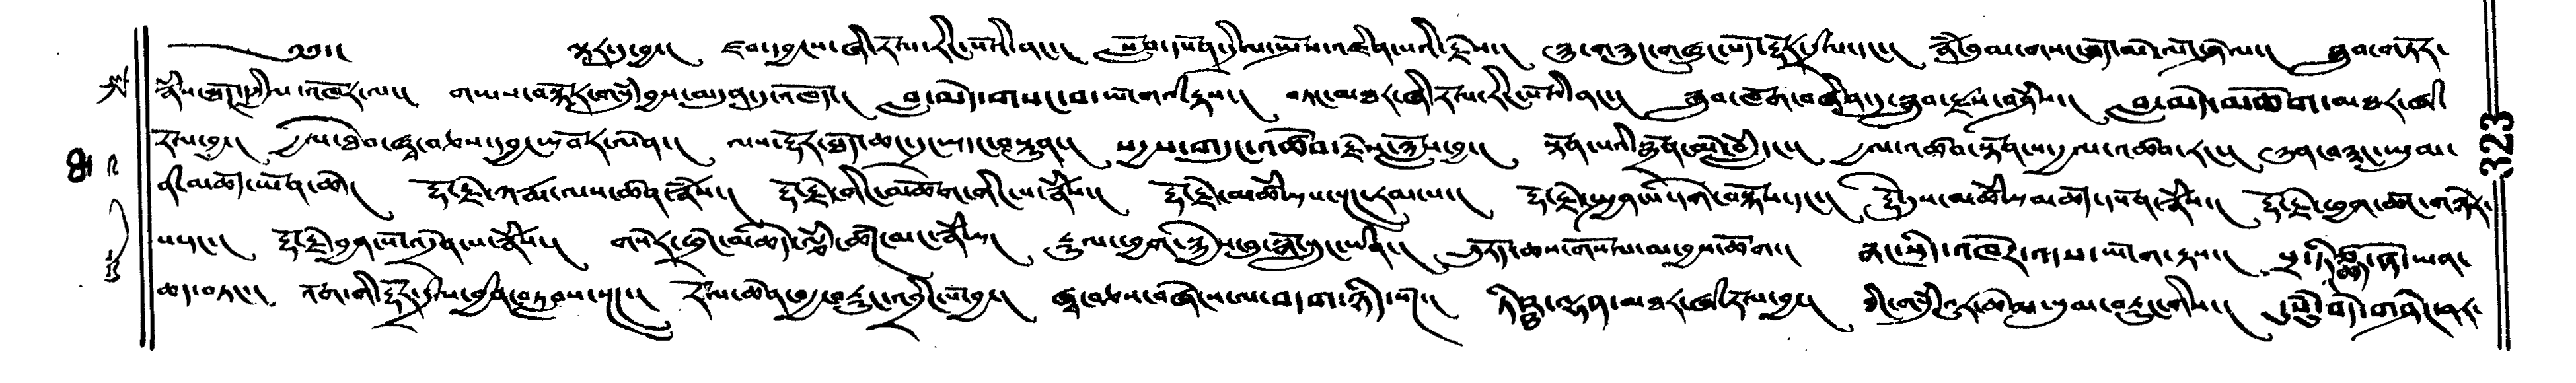ལྟར་དུ་བྱ། །འཛབ་དབྱངས་ཞི་རོལ་རིང་པོའི་ནང་། །སློབ་དཔོན་དྲིལ་སྤོས་འཛིན་པའི་རྗེས། །སྐུ་གཟུགས་གཞུང་པོད་རྡོར་དྲིལ་དང་། །རྣམ་བུམ་གསང་ཐོད་མེ་ལོང་ཤེལ། །སྒྲུབ་གཏོར་
རྣམས་ཐོགས་དཀྱིལ་འཁོར་ལ། །གཡས་བསྐོར་གསུམ་བྱས་མདུན་དུ་འཁོད། །བླ་མེད་གསང་བ༴ ཡོ་གའི་རྟས། །བཏང་མཐར་ཞི་རི་ལ་རིང་པོའི་ནང་། །སྒྲུབ་ཁོག་བཞིན་དུ་སྒྲུབ་རྫས་བཤམས། །བླ་མེད་མཆོག༴ མཐར་ཞི་
རོལ་བྱ། །རྒྱལ་ཐེབ་ཞྭ་བཅས་དབྱངས་བོར་ལེན། །ལས་རྡོར་ཐོད་ཆང་དྲངས་དང་བསྟུན། །སངས་རྒྱས་གདུང་འཚོབ༴ རྗེས་ཟློས་བྱ། །སྟོན་པའི་སྒྲོན་མེ་བླ་མ་དང་། །རྒྱལ་ཚབ་སྟོན་པ་རྒྱལ་ཚབ་རང་། །ཀུན་བཟང་ཡུམ་
ནི་མཆོད་ཡོན་ཆེ། །རྡོ་རྗེ་ཀརྨ་ལས་ཚན་རྣམས། །རྡོ་རྗེ་གིང་མཆོག་གིང་པ་རྣམས། །རྡོ་རྗེ་མཚམས་པ་སྔགས་རམ་པ། །རྡོ་རྗེ་སྤྱན་པ་དགེ་བསྐོས་དང་། །རྡོ་རྗེ་དུས་མཚམས་མཆོད་དཔོན་རྣམས། །རྡོ་རྗེ་ཕྱག་ཚང་གཉེར་
པ་དང་། །རྡོ་རྗེ་བྱན་པོ་འདྲེན་པ་རྣམས། །གསེར་ཕྲེང་མཆེད་ལྕམ་ཚོགས་མང་རྣམས། །རྡུལ་ཕྱག་སྐྱེས་བུ་སྒོ་སྲུང་ཡིན། །དུར་ཁྲོད་ཆས་གསོལ་མ་བྱས་ཆོག།སྣང་སྲིད་འཁོར་འདས༴ ཡོ་གའི་རྟས། །པྲ་ཏཱིཙྪ་ཧོ་ཡན་
ཆད་བཏང་། །འོག་གི་རྡོར་དྲིལ་བྱིན་རླབས་སྔགས། །རོལ་ཆེན་བརྒྱ་རྡུང་འབྲིང་པོ་བྱ། ཞྭ་བཅས་བཞེངས་ལ་བདག་ཉིད༴ སོགས། །ཏིཥྛ་ལྷན་མཐར་ཞི་རོལ་བྱ། །ཐིང་གསུམ་འུར་ཆེམ་སུམ་རྡུང་གིས། དུས་གསུམ་བདེ་གཤེགས༴ ནར་